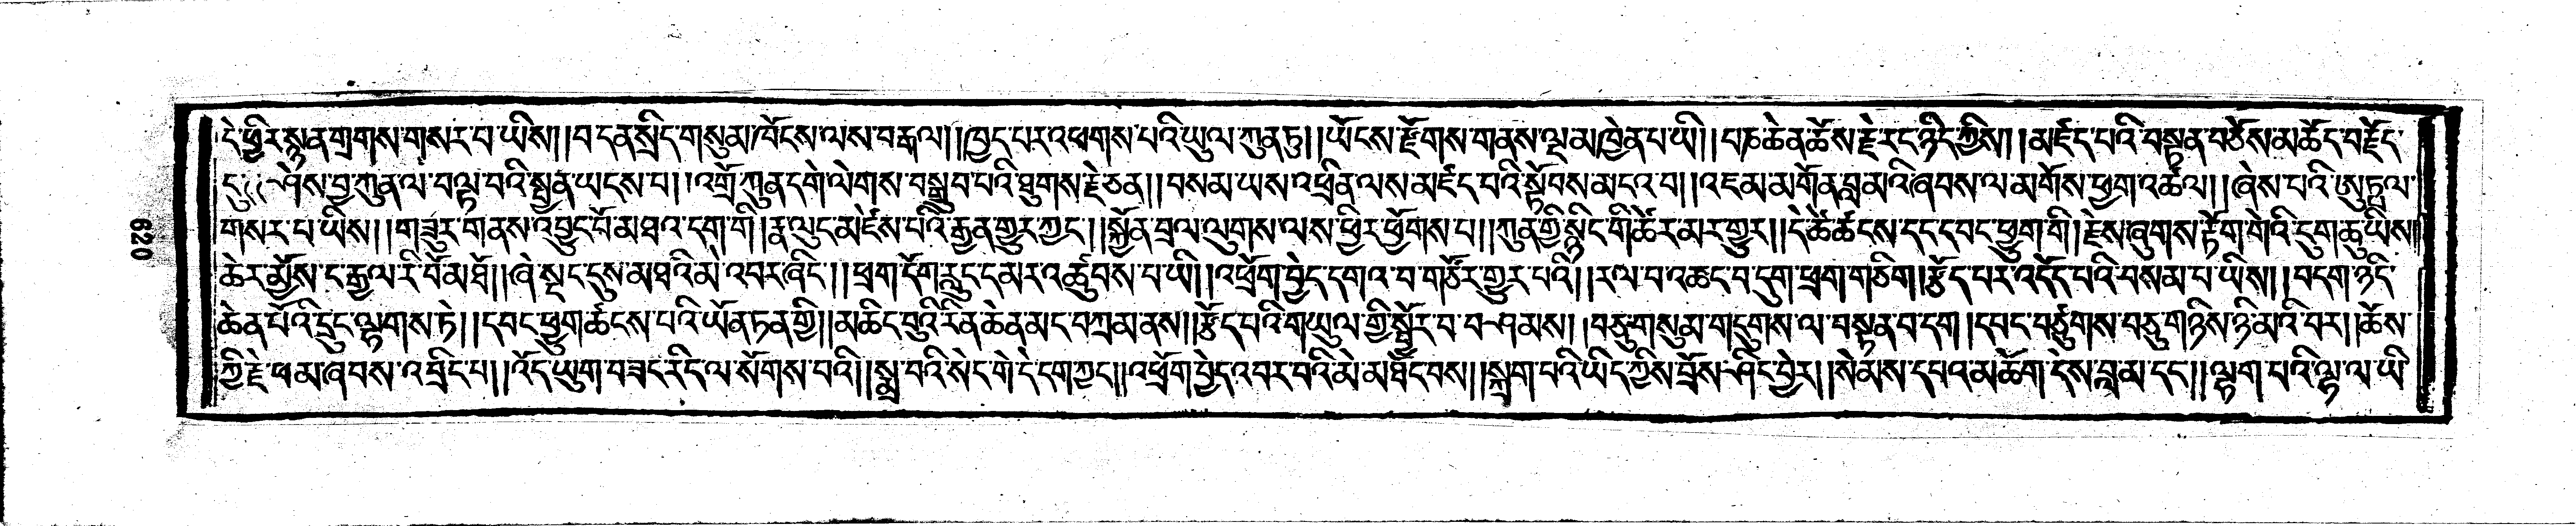དེ་ཕྱིར་སྙན་གྲགས་གསར་པ་ཡིས། །བ་དན་སྲིད་གསུམ་ཁོངས་ལས་བརྒལ། །ཁྱད་པར་འཕགས་པའི་ཡུལ་ཀུན་ཏུ། །ཡོངས་རྫོགས་གནས་ལྔ་མཁྱེན་པ་ཡི། །པཎ་ཆེན་ཆོས་རྗེ་རང་ཉིད་ཀྱིས། །མཛད་པའི་བསྟན་བཅོས་མཆོད་བརྗོད་
དུ༑ ༑ཤེས་བྱ་ཀུན་ལ་བལྟ་བའི་སྤྱན་ཡངས་པ། །འགྲོ་ཀུན་དགེ་ལེགས་བསྒྲུབ་པའི་ཐུགས་རྗེ་ཅན། །བསམ་ཡས་འཕྲིན་ལས་མཛད་པའི་སྟོབས་མངའ་བ། །འཇམ་མགོན་བླ་མའི་ཞབས་ལ་མགོས་ཕྱག་འཚལ། །ཞེས་པའི་ཨུཏྤལ་
གསར་པ་ཡིས། །གཟུར་གནས་འབྱུང་བ་མཐའ་དག་གི །རྣ་ལུང་མཛེས་པའི་རྒྱན་གྱུར་ཀྱང་། །སྐྱོན་བྲལ་ལུགས་ལས་ཕྱིར་ཕྱོགས་པ། །ཀུན་གྱི་སྙིང་གི་ཚེར་མར་གྱུར། །དེ་ཚེ་ཚངས་དང་དབང་ཕྱུག་གི །རྗེས་ཞུགས་རྟོག་གེའི་དུག་ཆུ་ཡི། །
ཆེར་མྱོས་ང་རྒྱལ་རི་བོ་མཐོ། །ཞེ་སྡང་དུས་མཐའི་མེ་འབར་ཞིང་། །ཕྲག་དོག་རླུང་དམར་འཚུབས་པ་ཡི། །འཕྲོག་བྱེད་དགའ་བ་གཙོར་གྱུར་པའི། །རལ་པ་འཆང་བ་དུག་ཕྲག་གཅིག །རྩོད་པར་འདོད་པའི་བསམ་པ་ཡིས། །བདག་ཉིད་
ཆེན་པོའི་དྲུང་ལྷགས་ཏེ། །དབང་ཕྱུག་ཚངས་པའི་ཡོན་ཏན་གྱི། །མཆིང་བའི་རིན་ཆེན་མང་བཀྲམ་ནས། །རྩོད་པའི་གཡུལ་གྱི་སྟོར་བ་བཤམས། །བཅུ་གསུམ་གདུགས་ལ་བསྟན་པ་དག །དཔང་བཙུགས་བཅུ་གཉིས་ཉི་མའི་བོར། །ཆོས་
ཀྱི་རྗེ་ཕམ་ཞབས་འབྲིང་པ། །འོད་ཡུག་བཟང་རིང་ལ་སོགས་པའི། །སྨྲ་བའི་སེང་གེ་དེ་དག་ཀྱང་། །འཕྲོག་བྱེད་འབར་བའི་མེ་མཐོང་བས། །སྐྲག་པའི་ཡིད་ཀྱིས་བྲོས་ཤིང་བྱེད། །སེམས་དཔའ་མཆོག་དེས་བླ་མ་དག །ལྷག་པའི་ལྷ་ལ་ཡི་